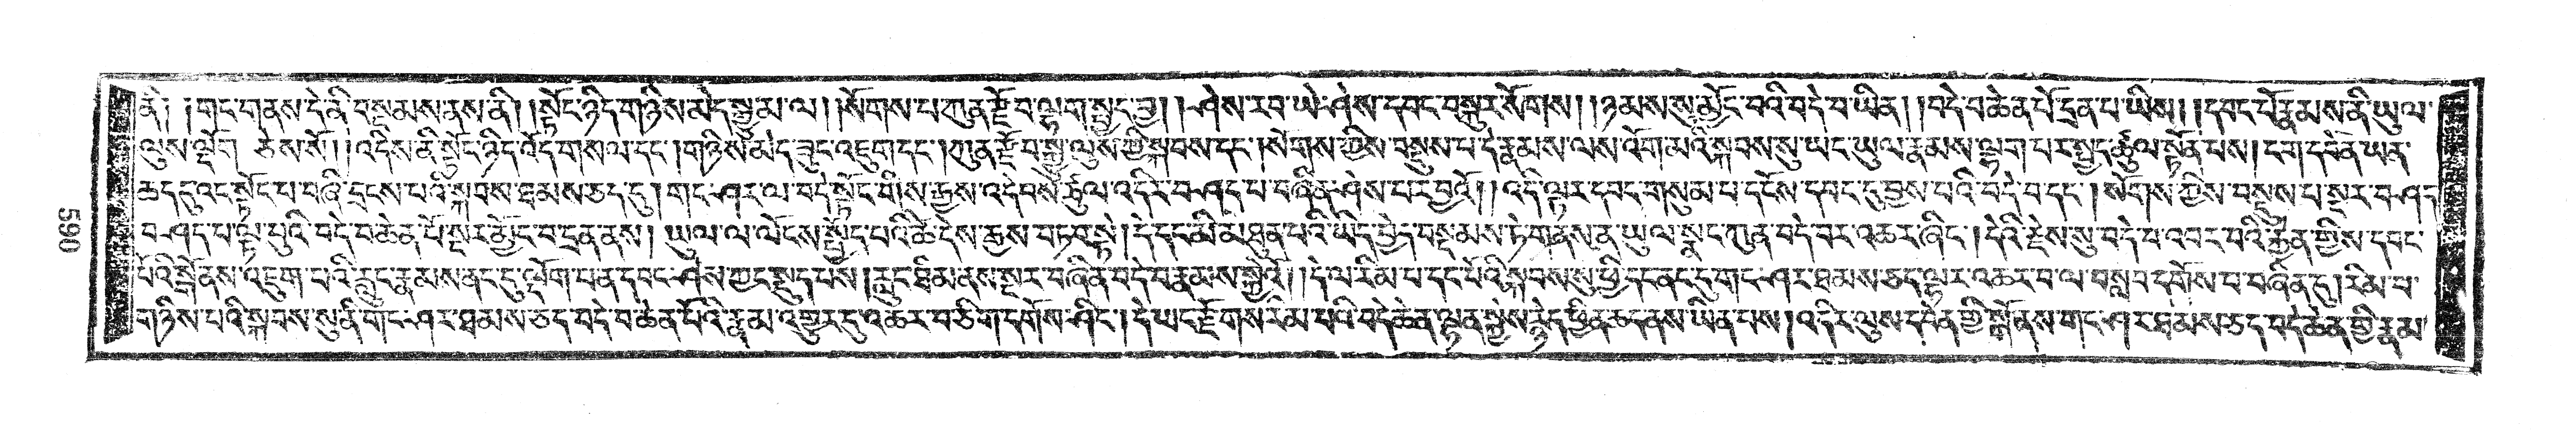ནི། །གང་གནས་དེ་ནི་བསྔམས་ནས་ནི། །སྟོང་ཉིད་གཉིས་མེད་སྒྱུ་མ་ལ། །སོགས་པ་ཀུན་རྫོབ་ལྷག་སྤྱད་བྱ། །ཤེས་རབ་ཡེ་ཤེས་དབང་བསྐུར་སོགས། །ཉམས་སུ་མྱོང་བའི་བདེ་བ་ཡིན། །བདེ་བ་ཆེན་པོ་དྲན་པ་ཡིས། །དབང་པོ་རྣམས་ནི་ཡུལ་
ལུས་ལྡོག་ཅེས་སོ། །འདིས་ནི་སྟོང་ཉིད་འོད་གསལ་དང་། གཉིས་མེད་ཟུང་འཇུག་དང་། ཀུན་རྫོབ་སྒྱུ་ལུས་ཀྱི་སྐབས་དང་། སོགས་ཀྱིས་བསྡུས་པ་དེ་རྣམས་ལས་འོག་མའི་སྐབས་སུ་ཡེང་ཡུལ་རྣམས་ལྷག་པར་སྤྱད་ཚུལ་སྟོན་པས། ངག་དབེན་ཡན་
ཆད་དུ་འང་སྟོང་པ་བཞི་དྲངས་པའི་སྐབས་ཐམས་ཅད་དུ། གང་ཤར་ལ་བདེ་སྟོང་གིས་རྒྱས་འདེབས་ཚུལ་འདིར་བཤད་པ་བཞིན་ཤེས་པར་བྱའོ། །འདི་ལྟར་དབང་གསུམ་པ་དངོས་དབང་དུ་བྱས་པའི་བདེ་བ་དང་། སོགས་ཀྱིས་བསྡུས་པ་སྔར་བཤད་
བཤད་པ་ལྟ་བུའི་བདེ་བ་ཆེན་པོ་སྔར་མྱོང་བ་དྲན་ནས། ཡུལ་ལ་ལོངས་སྤྱོད་པའི་ཚེ་དེས་རྒྱས་བཏབ་སྟེ། དེ་དང་མི་མཐུན་པའི་ཡིད་བྱེད་བསྡམས་ཏེ་གནས་ན་ཡུལ་སྣང་ཀུན་བད་བར་འཆར་ཞིང་། དེའི་རྗེས་སུ་བདེ་བ་འབར་བའི་རྐྱེན་གྱིས་དབང་
པོའི་སྒོ་ནས་འཇུག་པའི་རླུང་རྣམས་ནང་དུ་ལྡོག་པ་ན་དབང་ཤེས་ཀྱང་སྡུད་པས། རླུང་ཐིམ་ནས་སྔར་བཞིན་བདེ་བ་རྣམས་སྐྱེའོ། །དེ་ལ་རིམ་པ་དང་པོའི་སྐབས་སུ་ཕྱི་དང་ནང་དུ་གང་ཤར་ཐམས་ཅད་ལྷར་འཆར་བ་ལ་བསླབ་དགོས་པ་བཞིན་དུ། རིམ་པ་
གཉིས་པའི་སྐབས་སུ་ནི་གང་ཤར་ཐམས་ཅད་བདེ་བ་ཆེན་པོའི་རྣམ་འགྱུར་དུ་འཆར་བ་ཅིག་དགོས་ཤིང་། དེ་ཡང་རྫོགས་རིམ་པའི་བདེ་ཆེན་ལྷན་སྐྱེས་རྙེད་ཕྱིན་ཆད་ནས་ཡིན་པས། འདིར་ལུས་དབེན་གྱི་སྒོ་ནས་གང་ཤར་ཐམས་ཅད་བདེ་ཆེན་གྱི་རྣམ་